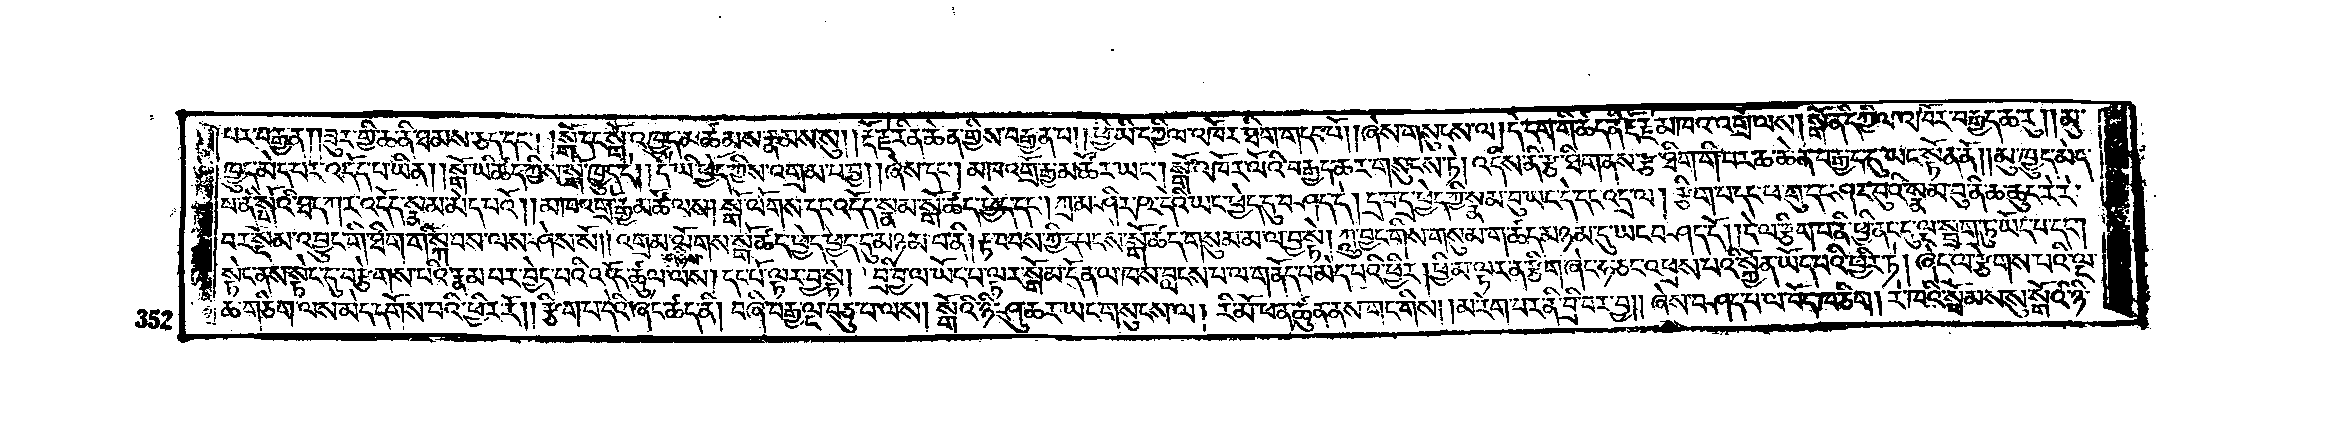པར་བརྒྱན། །ཟུར་གྱི་ཆ་ནི་ཐམས་ཅད་དང་། །སྒོ་དང་སྒོ་འཁྱུད་མཚམས་རྣམས་སུ། །རྡོ་རྗེ་རིན་ཆེན་གྱིས་བརྒྱན་པ། །ཕྱི་ཡི་དཀྱིལ་འཁོར་ཐིག་གདབ་པོ། །ཞེས་གསུངས་ལ། དེ་དག་གི་ཚད་ནི་རྡོ་རྗེ་མཁའ་འགྲོ་ལས། སྒོ་ནི་དཀྱིལ་འཁོར་བརྒྱད་ཆ་རུ། །མུ་
ཁྱུད་མེད་པར་འདོད་པ་ཡིན། །སྒོ་ཡི་ཚད་ཀྱིས་སྒོ་ཁྱུད་དེ། །དེ་ཡི་ཕྱེད་ཀྱིས་འགྲམ་པ་བྱ། །ཞེས་དང་། མཁའ་འགྲོ་རྒྱ་མཚོར་ཡང་། སྒོ་འཁོར་ལོའི་བརྒྱད་ཆར་གསུངས་ཏེ། འདིས་ནི་རྩ་ཐིག་ནས་རྩ་ཐིག་གི་བར་ཆ་ཆེན་བརྒྱད་དུ་ཡང་སྟོན་ནོ། །མུ་ཁྱུད་མེད་
པ་ནི་སྒོའི་ཐད་ཀར་འདོད་སྣམ་མེད་པའོ། །མཁའ་འགྲོ་རྒྱ་མཚོ་ལས། སྒོ་ལོགས་དང་འདོད་སྣམ་སྒོ་ཚད་ཕྱེད་དང་། ཀྲ་མ་ཤིར་ཥ་དེའི་ཡང་ཕྱེད་དུ་བཤད་དེ། དྲ་བ་དྲ་ཕྱེད་ཀྱི་སྣམ་བུ་ཡང་དེ་དང་འདྲ་ལ། རྩིག་པ་དང་ཕ་གུ་དང་ཤར་བུའི་སྣམ་བུ་ནི་ཆ་ཆུང་རེ་རེ་
བར་སྡོམ་འབྱུང་གི་ཐིག་གི་སྐབས་ལས་ཤེས་སོ། །འགྲམ་ལོགས་སྒོ་ཚད་ཕྱེད་ཕྱད་དུ་མཉམ་པ་ནི། རྟ་བབས་ཀྱི་དཔངས་སྒོ་ཚད་གསུམ་མ་ལ་བྱ་སྟེ། ཀླུ་བྱང་གིས་གསུམ་ག་ཚད་མཉམ་དུ་ཡང་བཤད་དོ། །དེ་ལ་རྩིག་པ་ནི་ཕྱི་ནང་དུ་ལྔ་སྦྲག་ཏུ་ཡོད་པ་དང་
སྟེང་ནས་སྟེང་དུ་བརྩེགས་པའི་རྣམ་པར་བྱེད་པའི་འདོད་ཚུལ་གཉིས་ལས། དང་པོ་ལྟར་བྱ་སྟེ། བྲི་བྱ་ལ་ཡོད་པ་ལྟར་སྒོམ་དོན་ལ་ཁས་བླངས་པ་ལ་གནོད་པ་མེད་པའི་ཕྱིར། ཕྱི་མ་ལྟར་ན་རྩིག་ཞེང་ཧ་ཅང་འཕྲས་པའི་སྐྱོན་ཡོད་པའི་ཕྱིར་ཏེ། ཞེང་ལ་རྩེགས་པའི་ལྔ་
ཆ་གཅིག་ལས་མེད་དགོས་པའི་ཕྱིར་རོ། །རྩིག་པ་དེའི་ཞེང་ཚད་ནི། བཞི་བརྒྱ་ལྔ་བཅུ་པ་ལས། སྒོའི་ཉི་ཤུ་ཆར་ཡང་གསུངས་ལ། རི་མོ་ཕན་ཚུན་ནས་གང་གིས། །མ་རེག་པར་ནི་བྲི་བར་བྱ། །ཞེས་བཤད་པ་ལ་བོད་ཁ་ཅིག། །རེ་ཁའི་སྦོམས་སུ་སྒོའི་ཉི་